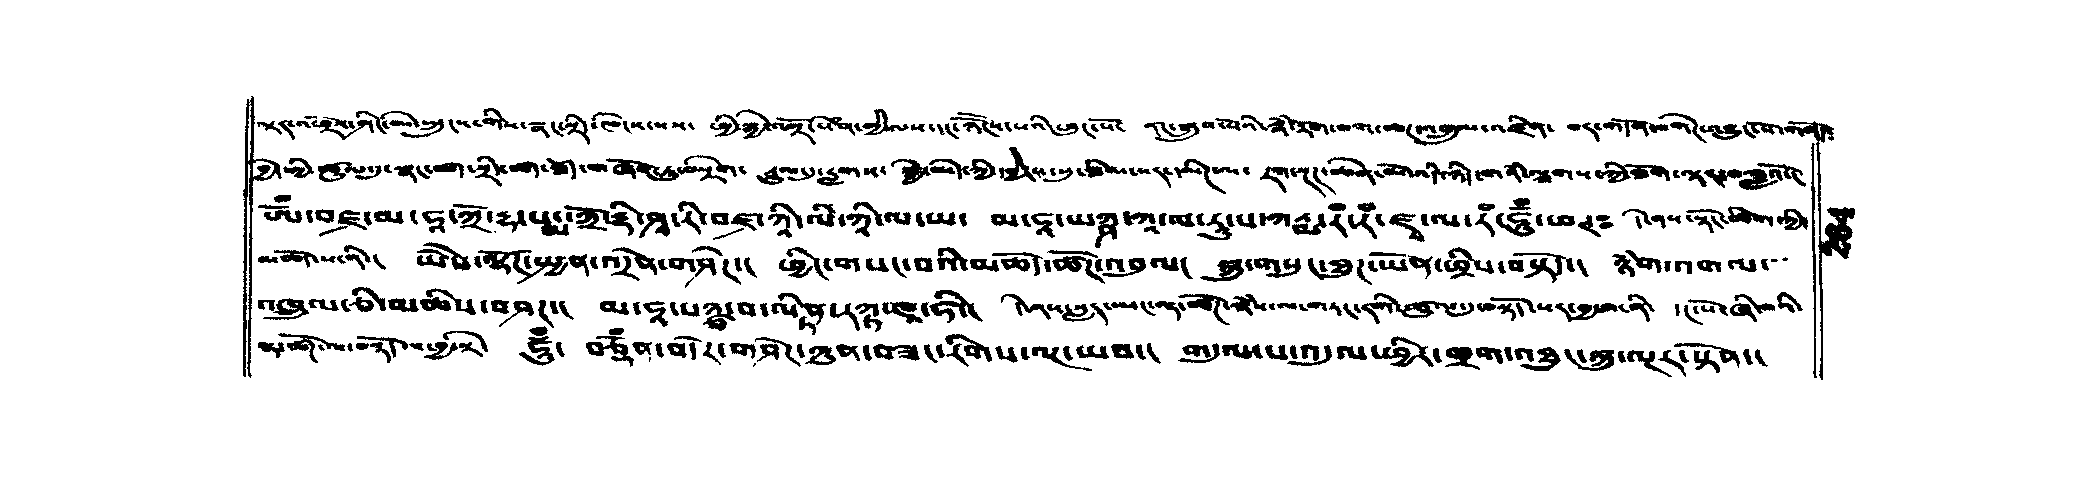ལྟར་འཕྲོས་ཤིང་མེ་སྤུངས་གིས་སྣང་སྲིད་ཁེངས་པས། ཕྱི་སྐྱེ་འགྲོ་སེམས་ཅན་གྱི་ལས་དང་ཉོན་མོངས་པའི་ཕུང་པོ། ནང་སྒྲུབ་པོའི་རྣམ་རྟོག་བག་ཆགས་འཁྲུལ་འཛིན། བར་གདོན་བགེགས་འབྱུང་པོ་གནོད་
བྱེད་ཀྱི་ཚུལ་དུ་སྣང་ཚད་སྲིད་ཚད་ཐམས་ཅད་གཞོབ་ཏུ་བསྲེག་རྡུལ་དུ་རླགས། སྐྱེ་མེད་ཀྱི་དབྱིངས་སུ་ཐིམ་པར་དམིགས་ལ། དྲག་སྔགས་ཆེན་མོ་འདི་ཉིད་གནམ་ལྕགས་ཀྱི་ཐོག་ལྟར་བཟླའོ། 
ཨོཾ་བཛྲ་མ་ཧཱ་ཀྲོ་དྷ་པདྨ་ཀྲོདྷི་ཤྭ་རི་བཛྲ་ཀཱི་ལི་ཀཱི་ལ་ཡ། མ་ཧཱ་ཡཀྴ་ཀཱ་མ་རཱུ་པ་ཀརྨ་རཾ་རཾ་ཛྭ་ལ་རཾ་ཧཱུྃ་ཕཊཿ དེ་ནས་སྟོང་ཚིག་གི་
མཆོད་པ་ནི། ཡེ་ཤེས་ལྷ་ཚོགས་སྤྱན་འདྲེན་གཤེགས། །ཕྱི་ནང་གསང་བའི་མཆོད་ཚོགས་འབུལ། །སྐུ་གསུང་ཐུགས་ཡོན་ཕྲིན་ལས་བསྟོད། །ཉམས་ཆགས་འགལ་
འཁྲུལ་ཅི་མཆིས་བཤགས། །མ་ཧཱ་པཉྩ་བ་ལིནྟ་རཀྟ་ཁཱ་ཧི། དེ་ནས་སླར་ཡང་ལྷ་ཚོགས་རྣམས་ལ་གཏང་རག་གི་ཚུལ་དུ་བསྟོད་པར་བྱ་བ་ནི། དང་པོ་ཞི་བའི་
ལྷ་ཚོགས་ལ་བསྟོད་བྱ་སྟེ། ཧཱུྃ། བཅོམ་ལྡན་བདེར་གཤེགས་ཀུན་བཟང་རིགས་ལྔ་ཡབ། །གདུལ་པ་འདུལ་ཕྱིར་ཁྲག་འཐུང་སྐུ་ལྔར་སྟོན། །